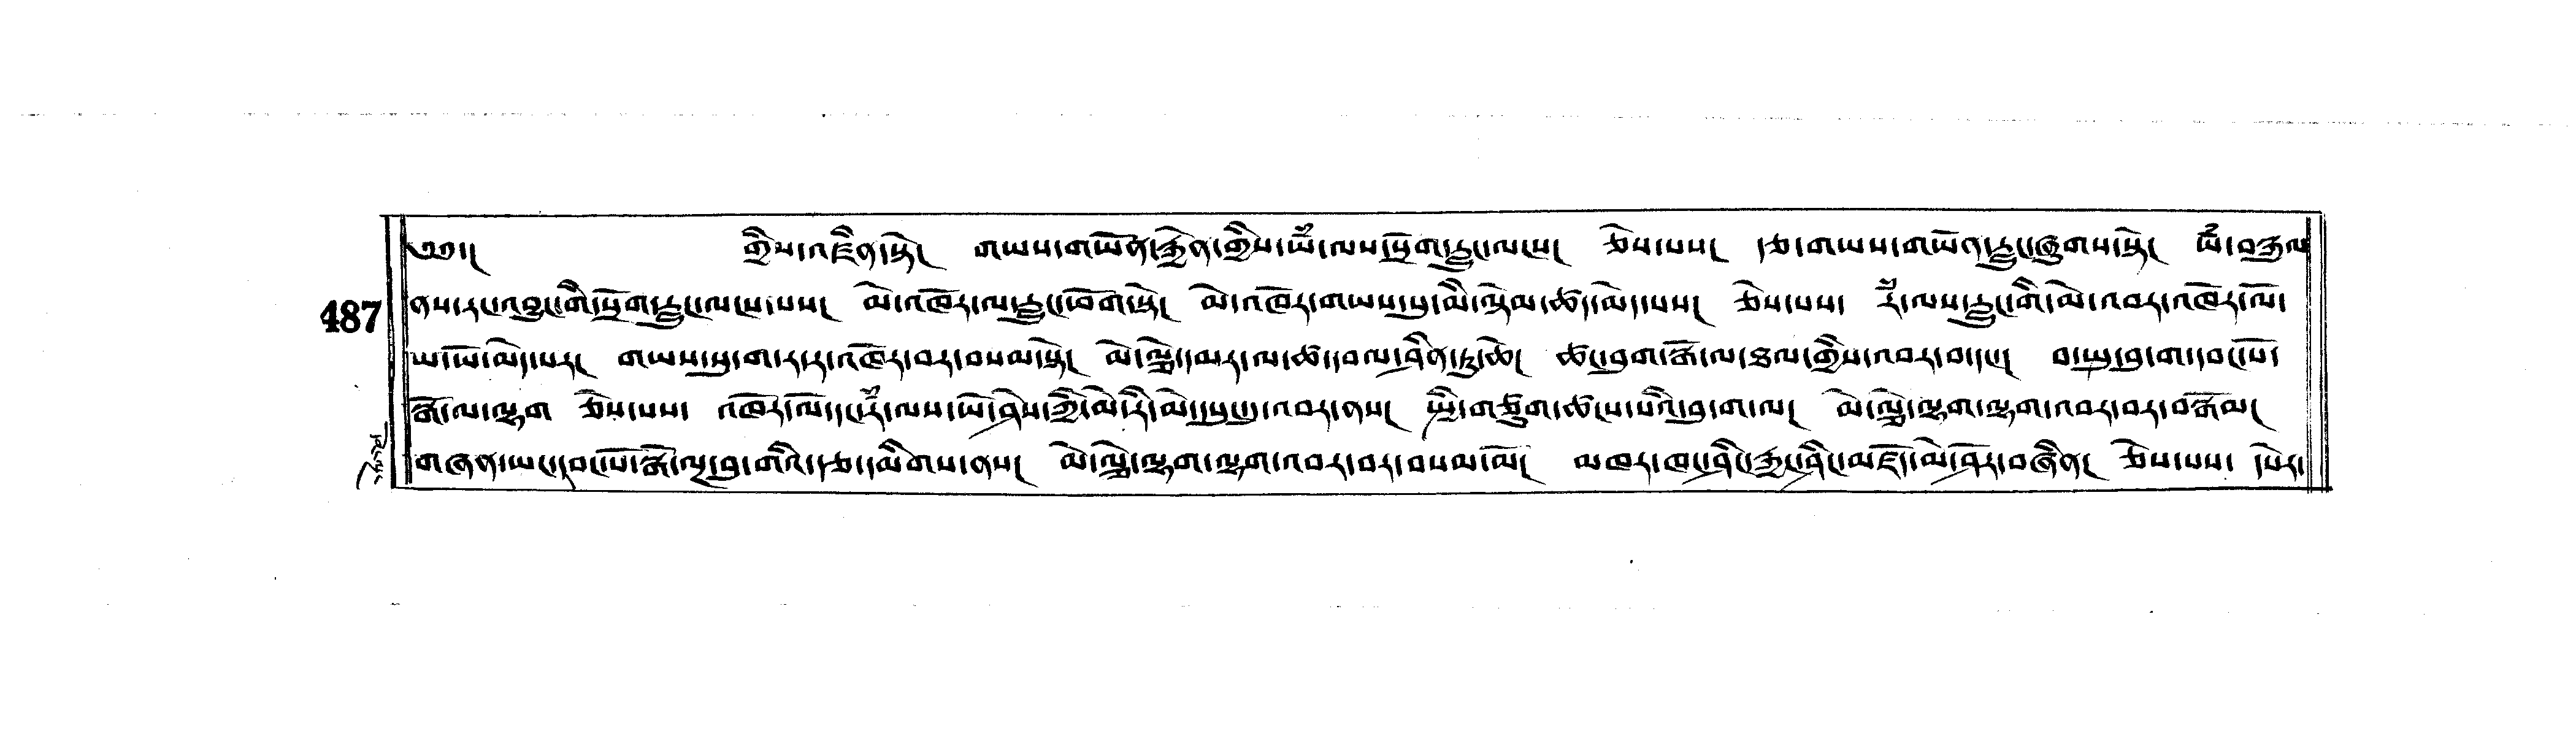གྱིས་འཛིན་ཏེ། གཡས་གཡོན་རྐྱེན་གྱིས་ཡཾ་ལས་སྲོག་རླུང་ལངས། ཅེས་པས། རྩ་གཡས་གཡོན་རླུང་ཞུགས་ཏེ། ཡཾ་བསྐུལ་
ནས་རང་འབྱུང་གི་སྲོག་རླུང་ལངས་པས། མེ་འཁོར་ལ་རླུང་ཕོག་སྟེ། མེ་འཁོར་གཡས་སུ་མི་ལྟེམ་ཚད་མེད་པས། ཅེས་པས། རཾ་ལས་རླུང་གི་མེ་འབར་འཁོར་ལོ་
ཡ་ཡོ་མེད་པར། གཡས་སུ་ག་ར་ར་འཁོར་བར་བསམ་སྟེ། མེ་ལྕེ་དམར་ལ་ཚ་དབལ་ཤིན་ཏུ་ཆེ། ཚང་བུག་སྒོ་ལ་ཐལ་གྱིས་འབར་བ་དང་། བ་སྤུ་བུ་ག་དབང་པོ་
སྒོ་ལ་ལྷག ཅེས་པས། འཁོར་ལོ་དང་རཾ་ལས་ཡེ་ཤེས་ཀྱི་མེ་རི་མེ་དཔུང་དུ་འབར་ནས། སྤྱི་གཙུག་ཚངས་པའི་བུ་ག་ལ། མེ་ལྕེ་ལྷག་འབར་བར་བསྒོལ།
གཞན་ཡང་བང་པ་སྒོ་ལྔ་བླ་གའི་རྩ་མིགས་ནས་ མེ་ལྕེ་ལྷག་ལྷག་འབར་བར་བསམ་མོ། མཁར་ཁང་ཤིང་རྐྱང་ཤིང་མཛོད་མེ་ཤོར་བཞིན། ཅེས་པས། དཔེར་